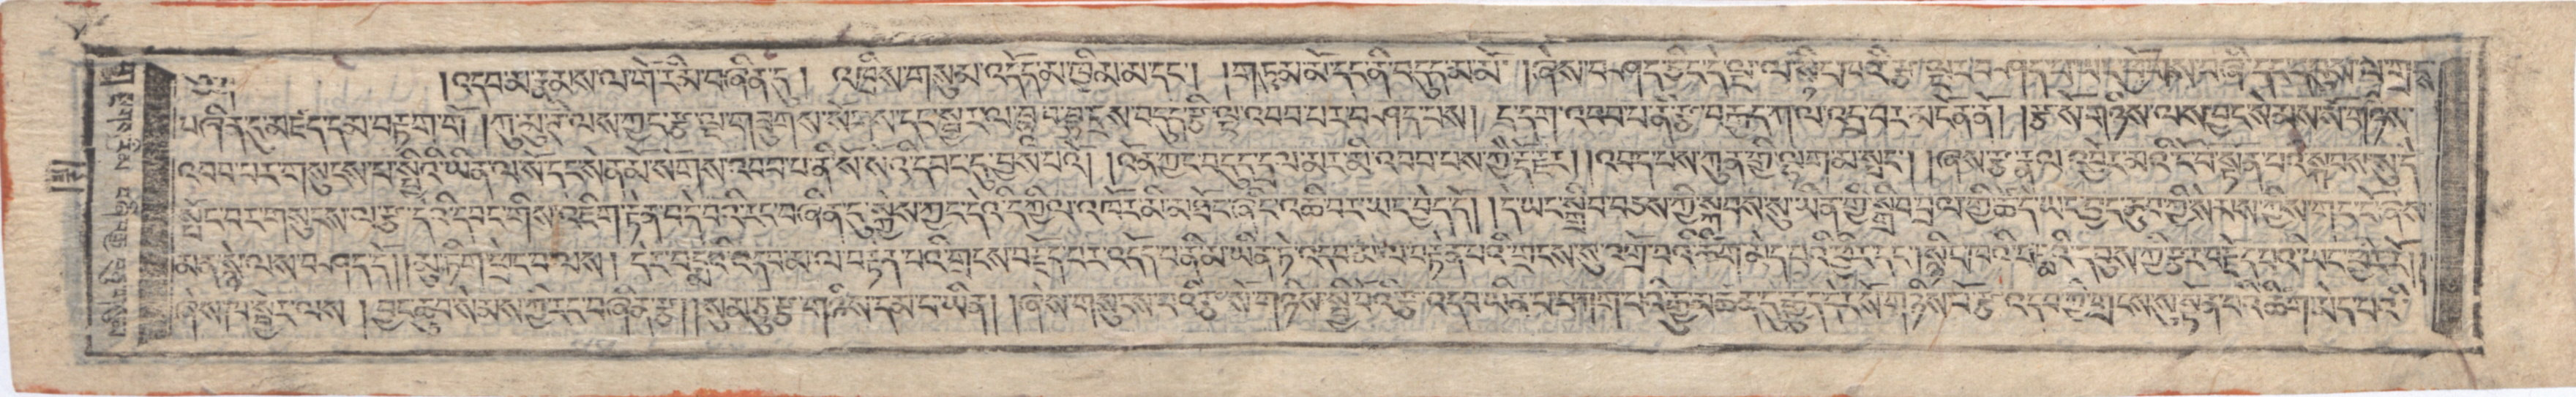༄༅། །འདབ་མ་རྣམས་ལ་གོ་རིམ་བཞིན་དུ། འཁྲིས་གསུམ་འདོད་མ་ཁྱིམ་མ་དང་། །གཏུམ་མོ་དང་ནི་བདུད་མ་མོ། །ཞེས་བཤད་ཅིང་དེ་ལྔ་ལ་སྙིང་ཁའི་རྩ་ལྔར་བཤད་པ་ཡང་ཕྱོགས་བཞི་དང་དབུས་ལ་གྲངས་
བཞིན་དུ་མཛད་དམ་བརྟག་གོ །ཀུ་མུ་ཊི་ལས་ཀྱང་རྩ་ལྔ་གཟུགས་སོགས་དང་སྦྱར་ལ་བྷཱ་བ་བྷ་དྲས་བདུད་རྩི་ལྔ་འབབ་པར་བཤད་པས། དེ་དག་འབབ་པ་ནི་རྩ་བརྒྱད་ཀ་ལ་འདྲ་བར་མངོན་ནོ། །རྩ་སོ་གཉིས་ལས་བྱང་སེམས་སོ་གཉིས་
འབབ་པར་གསུངས་པ་སྤྱིའི་ཡིན་ལ་སོ་དང་སེན་མོ་སོགས་འབབ་པ་ནི་སོ་སོའི་དབང་དུ་བྱས་པའོ། །འོན་ཀྱང་བདུད་དྲལ་མར་མི་འབབ་པས་ཀྱཻ་རྡོ་རྗེར། །འབད་པས་ཀུན་གྱི་ལྷག་མ་སྤང་། །ཞེས་རྩ་རྣལ་འབྱོར་མའི་ངོ་བོ་སྟོན་པའི་སྐབས་སུ་དེ་
སྤོང་བར་གསུངས་ལ་རྩ་དེའི་དབང་གིས་འཇིག་རྟེན་བདེ་བའི་རང་བཞིན་དུ་སྐྱེས་ཀྱང་དེའི་དཀྱིལ་འཁོར་མི་མཐོང་ཞིང་འཆི་བར་ཡང་བྱེད་དོ། །དེ་ཡང་སྒྲིབ་བཅས་ཀྱི་སྐབས་སུ་ཡིན་གྱི་སྒྲིབ་བྲལ་གྱི་ཚེ་དེ་ཡང་བྱང་ཆུབ་ཀྱི་སེམས་ཀྱིས་གང་ངོ་ཞེས་
མན་སྙེ་ལས་བཤད་དོ། །མུ་ཏིག་ཕྲེང་བ་ལས། དེར་པདམའི་འདབ་མ་ལ་བརྟེན་པའི་གྲངས་བརྗོད་པར་འདོད་པ་ནི་མ་ཡིན་ཏེ་འདབ་མ་ལ་བརྟེན་པའི་གྲངས་སུ་འགྲོ་བའི་ཚིག་མེད་པའི་ཕྱིར་དང་། སྙིང་ཁའི་པདམའི་དབུས་ཀྱི་རྩར་བརྗོད་པའི་ཡང་ཕྱིར་རོ། །
ཞེས་ཁ་སྦྱོར་ལས། བྱང་ཆུབ་སེམས་ཀྱི་རང་བཞིན་རྩ། །སུམ་ཅུ་རྩ་གཉིས་དམ་པ་ཡིན། །ཞེས་གསུངས་པའི་རྩ་སོ་གཉིས་སྤྱི་བོའི་རྩ་འདབ་ཡིན་པ་བཀག་པའི་རྒྱུ་མཚན་དུ་རྒྱུད་དེར་སོ་གཉིས་པོ་རྩ་འདབ་ཀྱི་གྲངས་སུ་སྟོན་པའི་ཚིག་མེད་པའི་